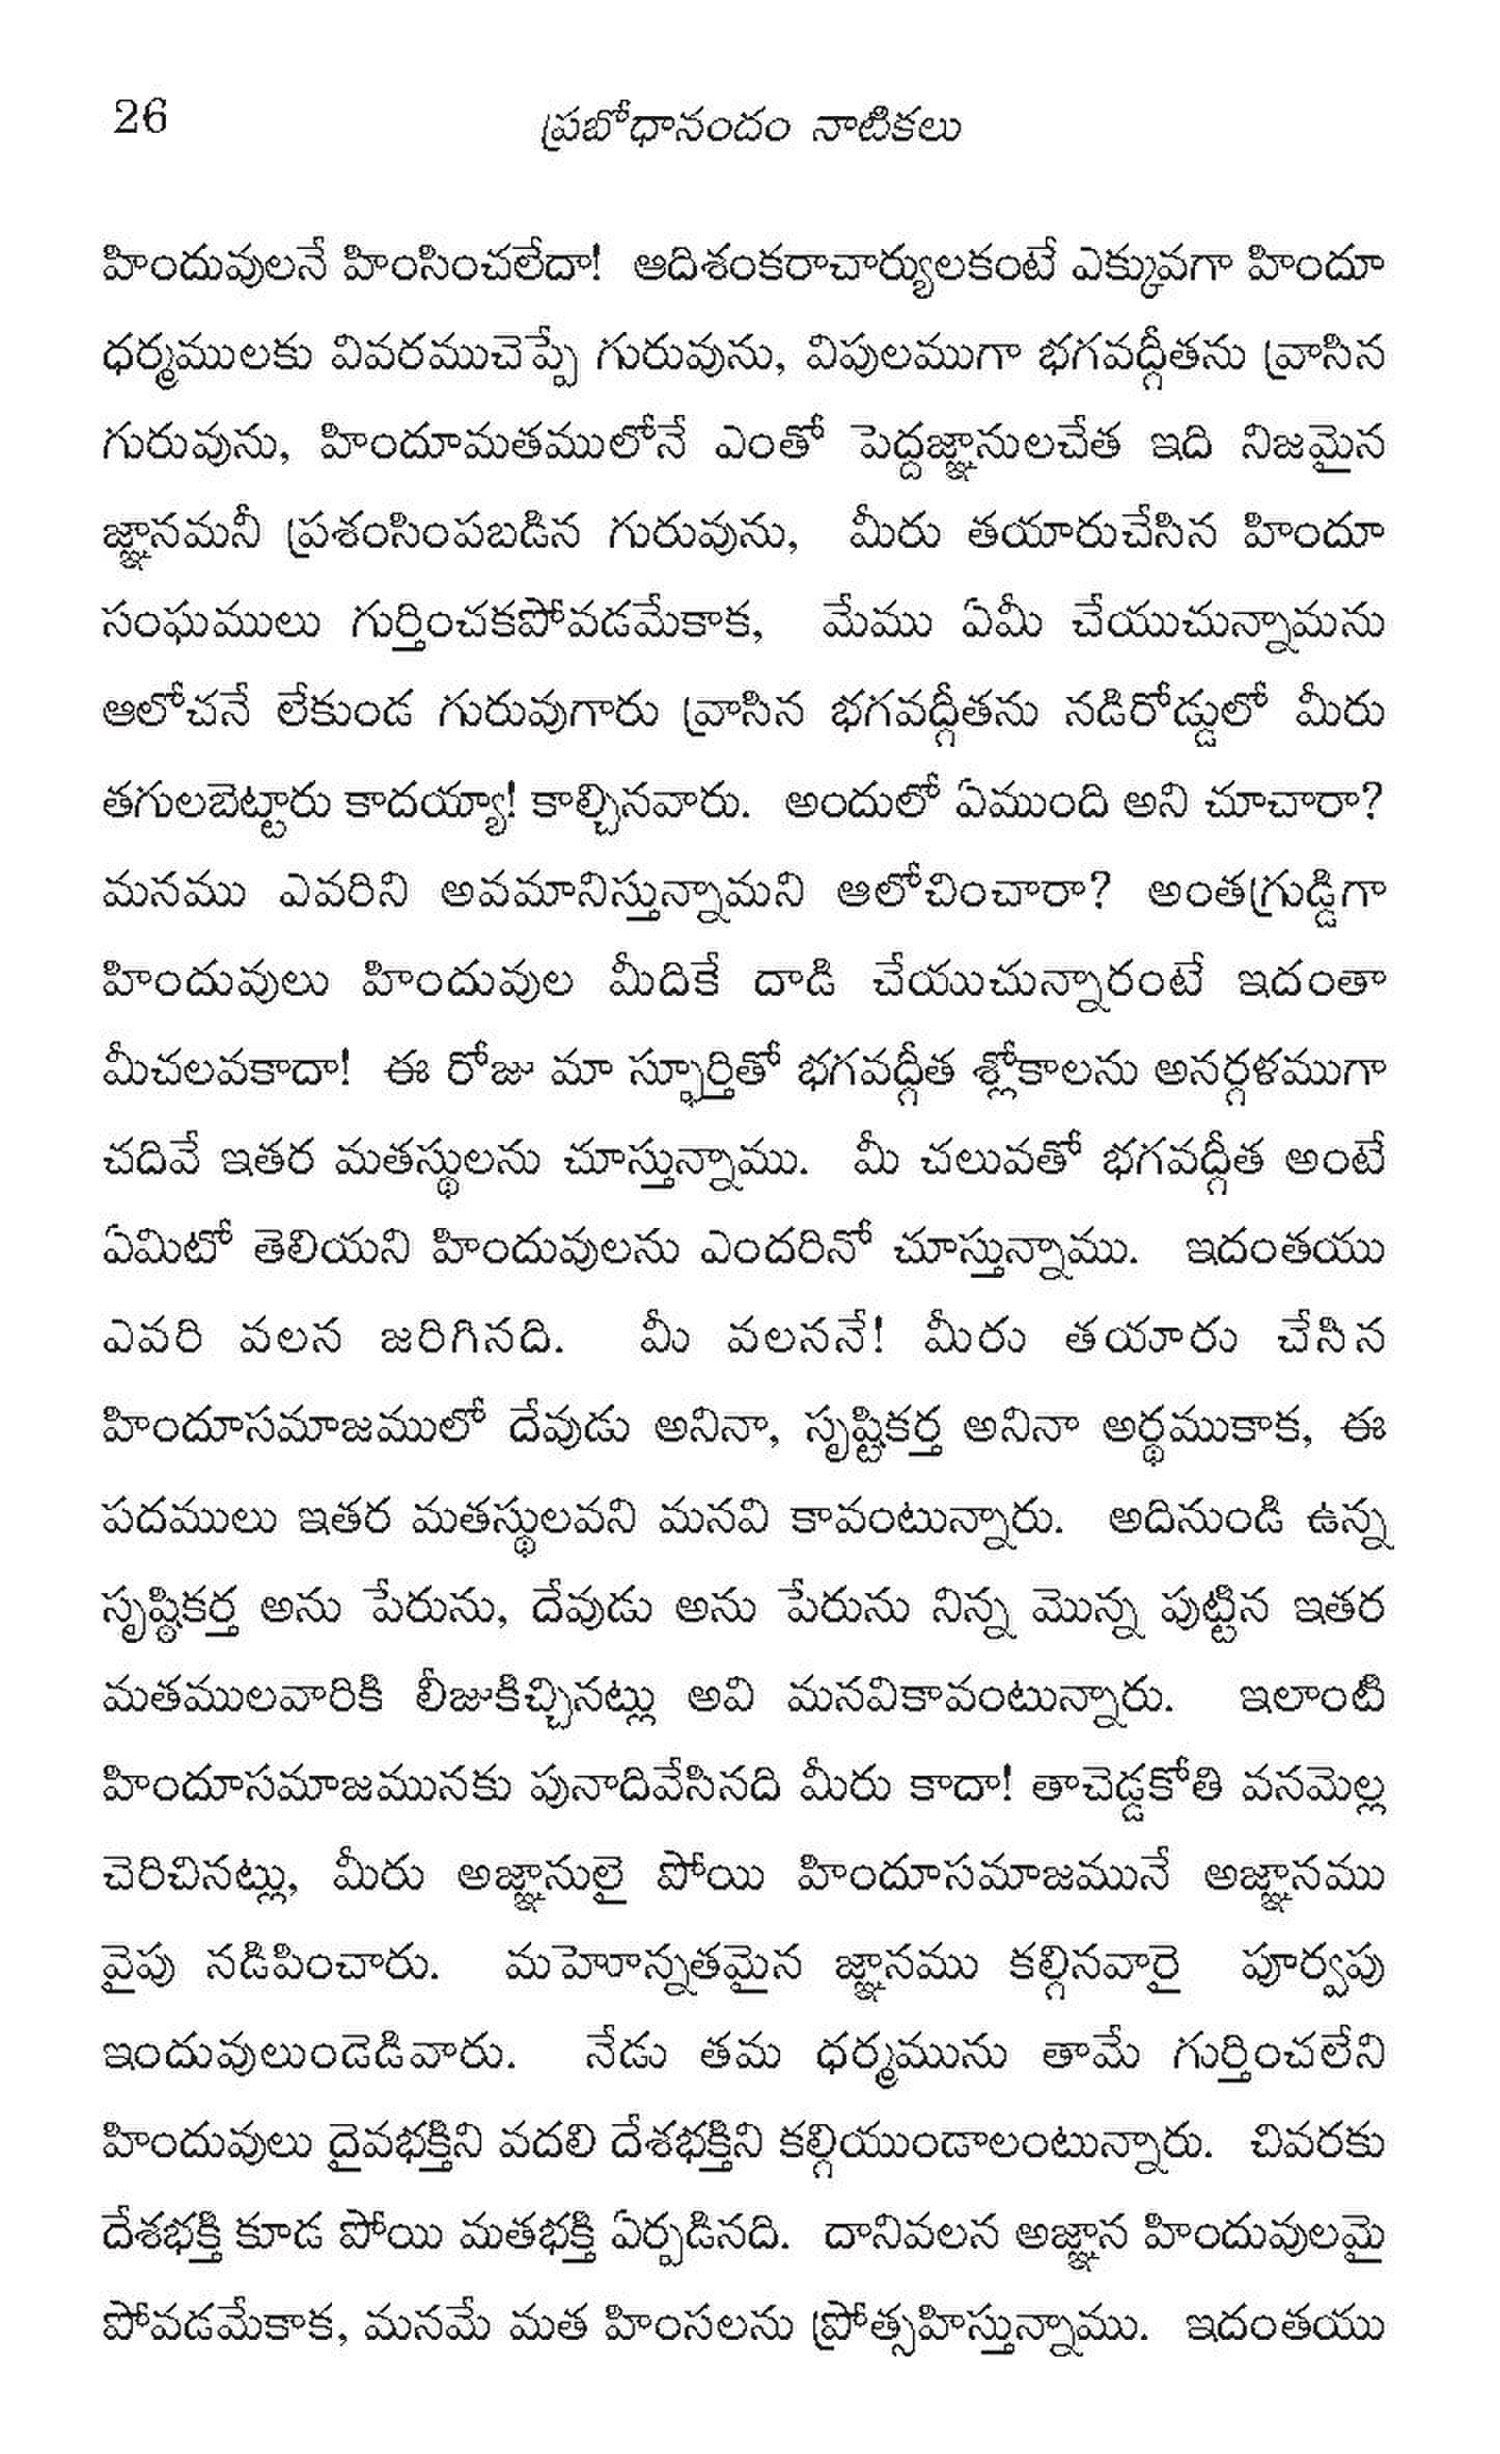హిందువులనే హింసించలేదా! ఆదిశంకరాచార్యులకంటే ఎక్కువగా హిందూ ధర్మములకు వివరముచెప్పే గురువును, విపులముగా భగవద్గీతను వ్రాసిన గురువును, హిందూమతములోనే ఎంతో పెద్దజ్ఞానులచేత ఇది నిజమైన జ్ఞానమనీ ప్రశంసింపబడిన గురువును, మీరు తయారుచేసిన హిందూ సంఘములు గుర్తించకపోవడమేకాక, మేము ఏమీ చేయుచున్నామను ఆలోచనే లేకుండ గురువుగారు వ్రాసిన భగవద్గీతను నడిరోడ్డులో మీరు తగులబెట్టారు కాదయ్యా! కాల్చినవారు. అందులో ఏముంది అని చూచారా? మనము ఎవరిని అవమానిస్తున్నామని ఆలోచించారా? అంతగ్రుడ్డిగా హిందువులు హిందువుల మీదికే దాడి చేయుచున్నారంటే ఇదంతా మీచలవకాదా! ఈ రోజు మా స్ఫూర్తితో భగవద్గీత శ్లోకాలను అనర్గళముగా చదివే ఇతర మతస్థులను చూస్తున్నాము. మీ చలువతో భగవద్గీత అంటే ఏమిటో తెలియని హిందువులను ఎందరినో చూస్తున్నాము. ఇదంతయు ఎవరి వలన జరిగినది. మీ వలననే! మీరు తయారు చేసిన హిందూసమాజములో దేవుడు అనినా, సృష్టికర్త అనినా అర్థముకాక, ఈ పదములు ఇతర మతస్థులవని మనవి కావంటున్నారు. ఆదినుండి ఉన్న సృష్ఠికర్త అను పేరును, దేవుడు అను పేరును నిన్న మొన్న పుట్టిన ఇతర మతములవారికి లీజుకిచ్చినట్లు అవి మనవికావంటున్నారు. ఇలాంటి హిందూసమాజమునకు పునాదివేసినది మీరు కాదా! తాచెడ్డకోతి వనమెల్ల చెరిచినట్లు, మీరు అజ్ఞానులై పోయి హిందూసమాజమునే అజ్ఞానమ వైపు నడిపించారు. మహోన్నతమైన జ్ఞానము కల్గినవారై పూర్వపు ఇందువులుండెడివారు. నేడు తమ ధర్మమును తామే గుర్తించలేని హిందువులు దైవభక్తిని వదలి దేశభక్తిని కల్గియుండాలంటున్నారు. చివరకు దేశభక్తి కూడ పోయి మతభక్తి ఏర్పడినది. దానివలన అజ్ఞాన హిందువులమై పోవడమేకాక, మనమే మత హింసలను ప్రోత్సహిస్తున్నాము. ఇదంతయు